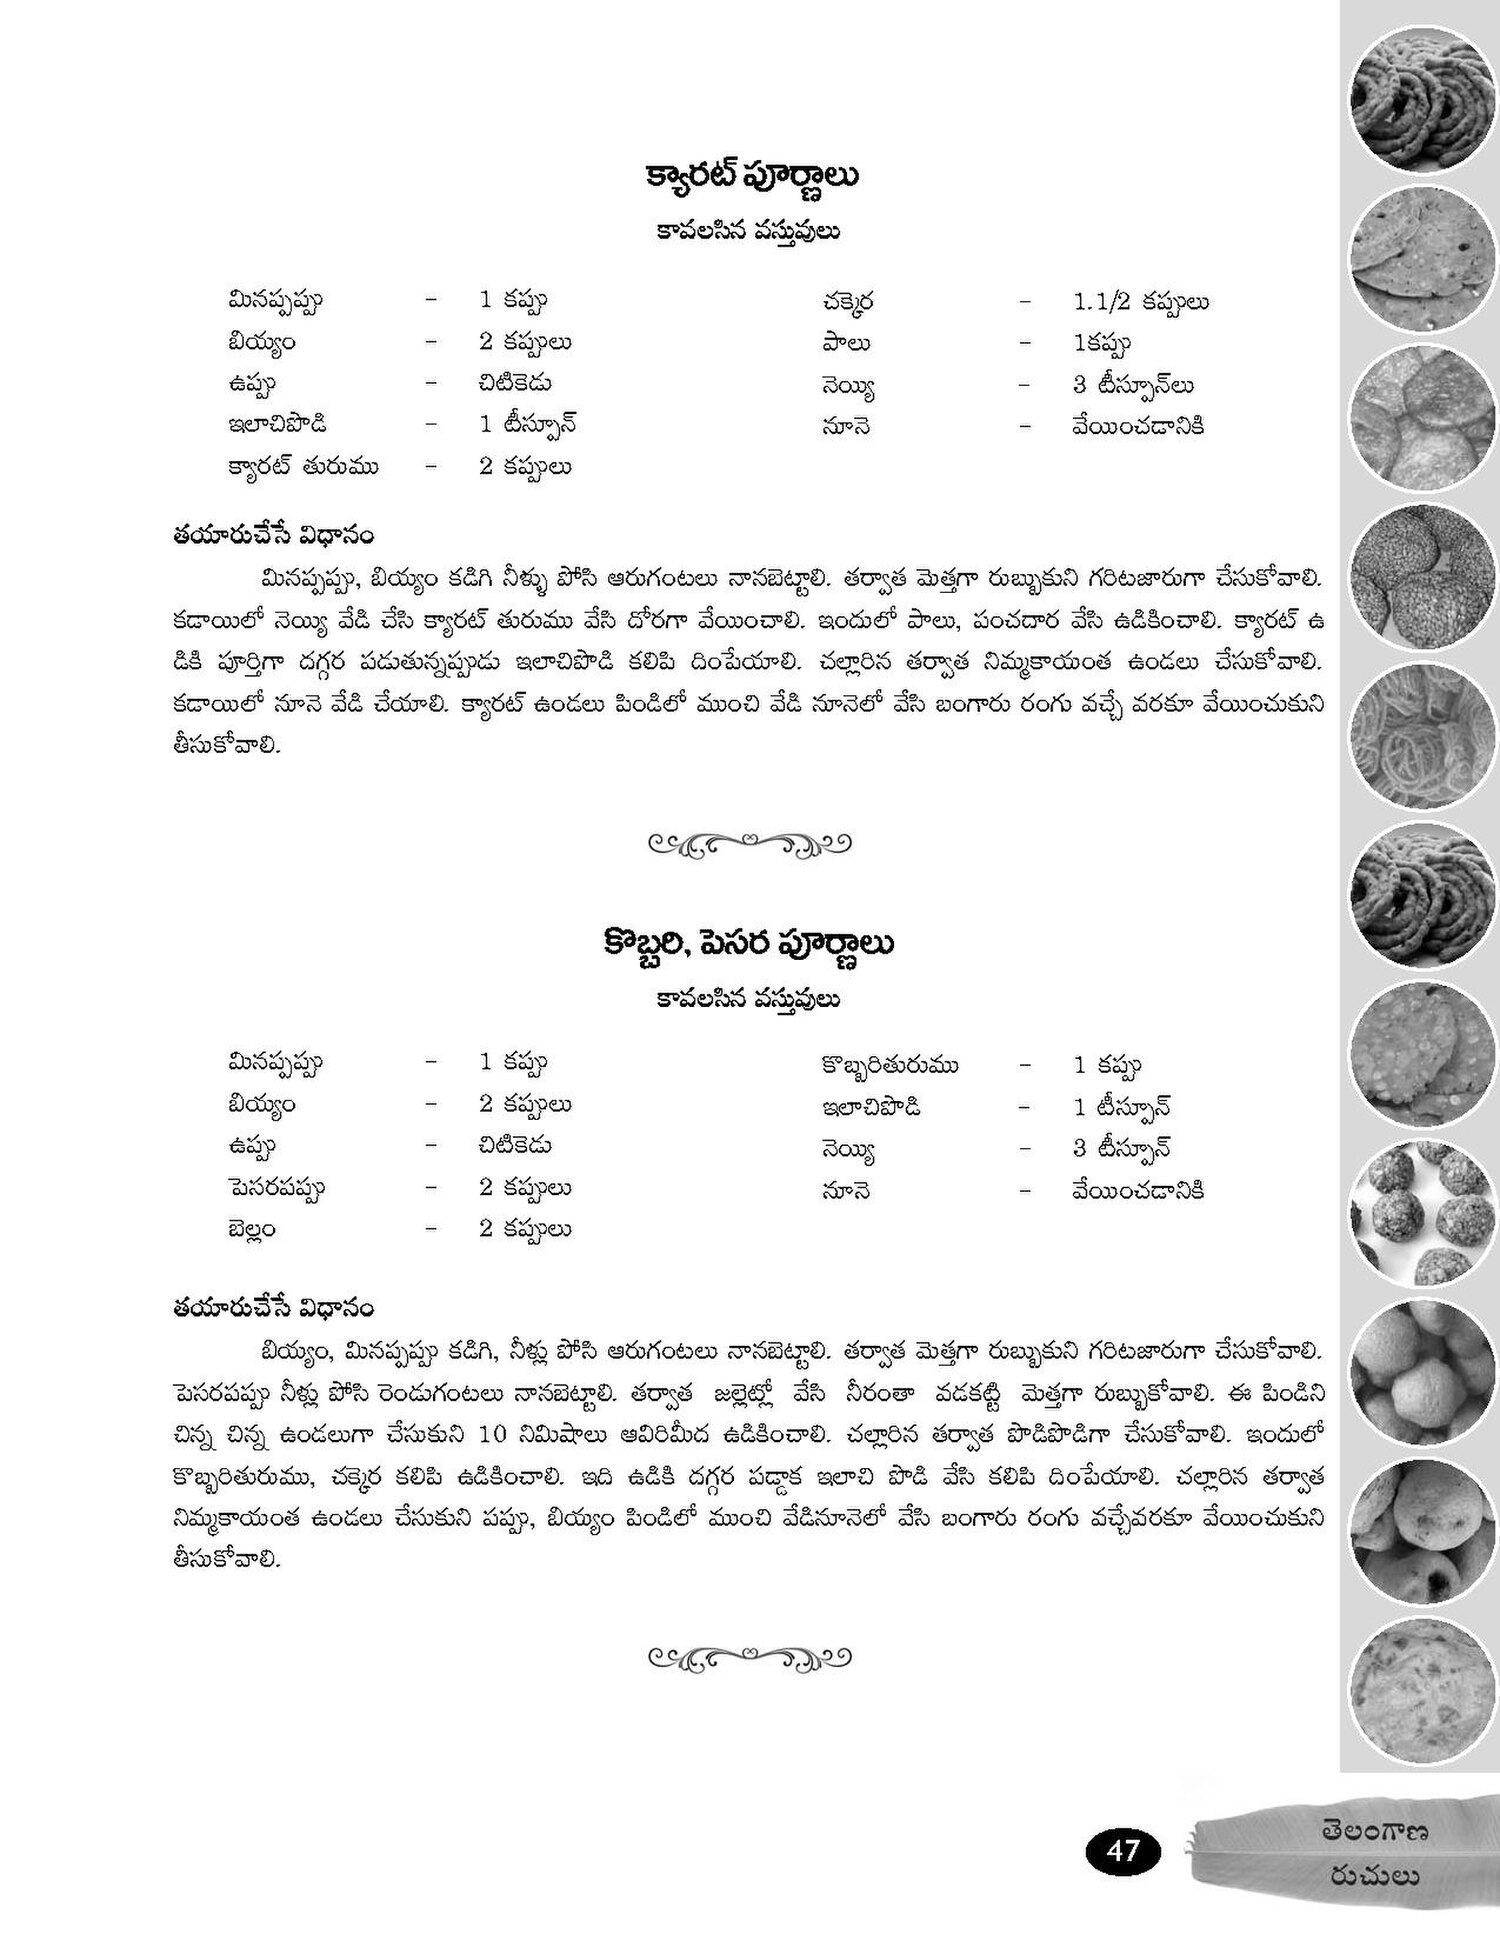+ కావలసిన వస్తువులు పాలు 1 కప్పు. మినపపప్పు 1 కప్పు ఇలాచిపొడి 1 టీస్పూన్ బెల్లం 2 కప్పులు. నెయ్యి 3 టీస్పూన్లు నూని వేయించడానికి బియ్యం 2 కప్పులు ఉప్పు చిటికెడు 2 కప్పులు 

తయారుచేసే విధానం 

మినప్పప్పు, బియ్యం కడిగి నీళ్ళు పోసి ఆరుగంటలు నానబెట్టాలి. తర్వాత మెత్తగా రుబ్బుకుని గరిటజారుగా చేసుకోవాలి.
కడాయిలో నెయ్యి వేడి చేసి క్యారట్ తురుము వేసి దోరగా వేయించాలి. ఇందులో పాలు, పంచదార వేసి ఉడికించాలి. క్యారట్ ఉడికి పూర్తిగా దగ్గర పడుతున్నప్పుడు ఇలాచిపొడి కలిపి దింపేయాలి. చల్లారిన తర్వాత నిమ్మకాయంత ఉండలు చేసుకోవాలి. కడాయిలో నూనె వేడి చేయాలి. క్యారట్ ఉండలు పిండిలో ముంచి వేడి నూనెలో వేసి బంగారు రంగు వచ్చే వరకూ వేయించుకుని తీసుకోవాలి.

+ కావలసిన వస్తువులు పెసరపప్పు 2 కప్పులు. మినపపప్పు 1 కప్పు ఇలాచిపొడి 1 టీస్పూన్ బెల్లం 2 కప్పులు. నెయ్యి 3 టీస్పూన్లు నూని వేయించడానికి బియ్యం 2 కప్పులు ఉప్పు చిటికెడు కొబ్బరి తురుము 1 కప్పు 

తయారుచేసే విధానం 

బియ్యం, మినప్పప్పు కడిగి, నీళ్లు పోసి ఆరుగంటలు నానబెట్టాలి. తర్వాత మెత్తగా రుబ్బుకుని గరిటజారుగా చేసుకోవాలి. పెసరపప్పు నీళ్లు పోసి రెండుగంటలు నానబెట్టాలి. తర్వాత జల్లెట్లో వేసి నీరంతా వడకట్టి మెత్తగా రుబ్బుకోవాలి. ఈ పిండిని చిన్న చిన్న ఉండలుగా చేసుకుని 10 నిమిషాలు ఆవిరిమీద ఉడికించాలి. చల్లారిన తర్వాత పొడిపొడిగా చేసుకోవాలి. ఇందులో కొబ్బరితురుము, చక్కెర కలిపి ఉడికించాలి. ఇది ఉడికి దగ్గర పడ్డాక ఇలాచి పొడి వేసి కలిపి దింపేయాలి. చల్లారిన తర్వాత నిమ్మకాయంత ఉండలు చేసుకుని పప్పు, బియ్యం పిండిలో ముంచి వేడినూనెలో వేసి బంగారు రంగు వచ్చేవరకూ వేయించుకుని తీసుకోవాలి.
తెలంగాణ రుచులు